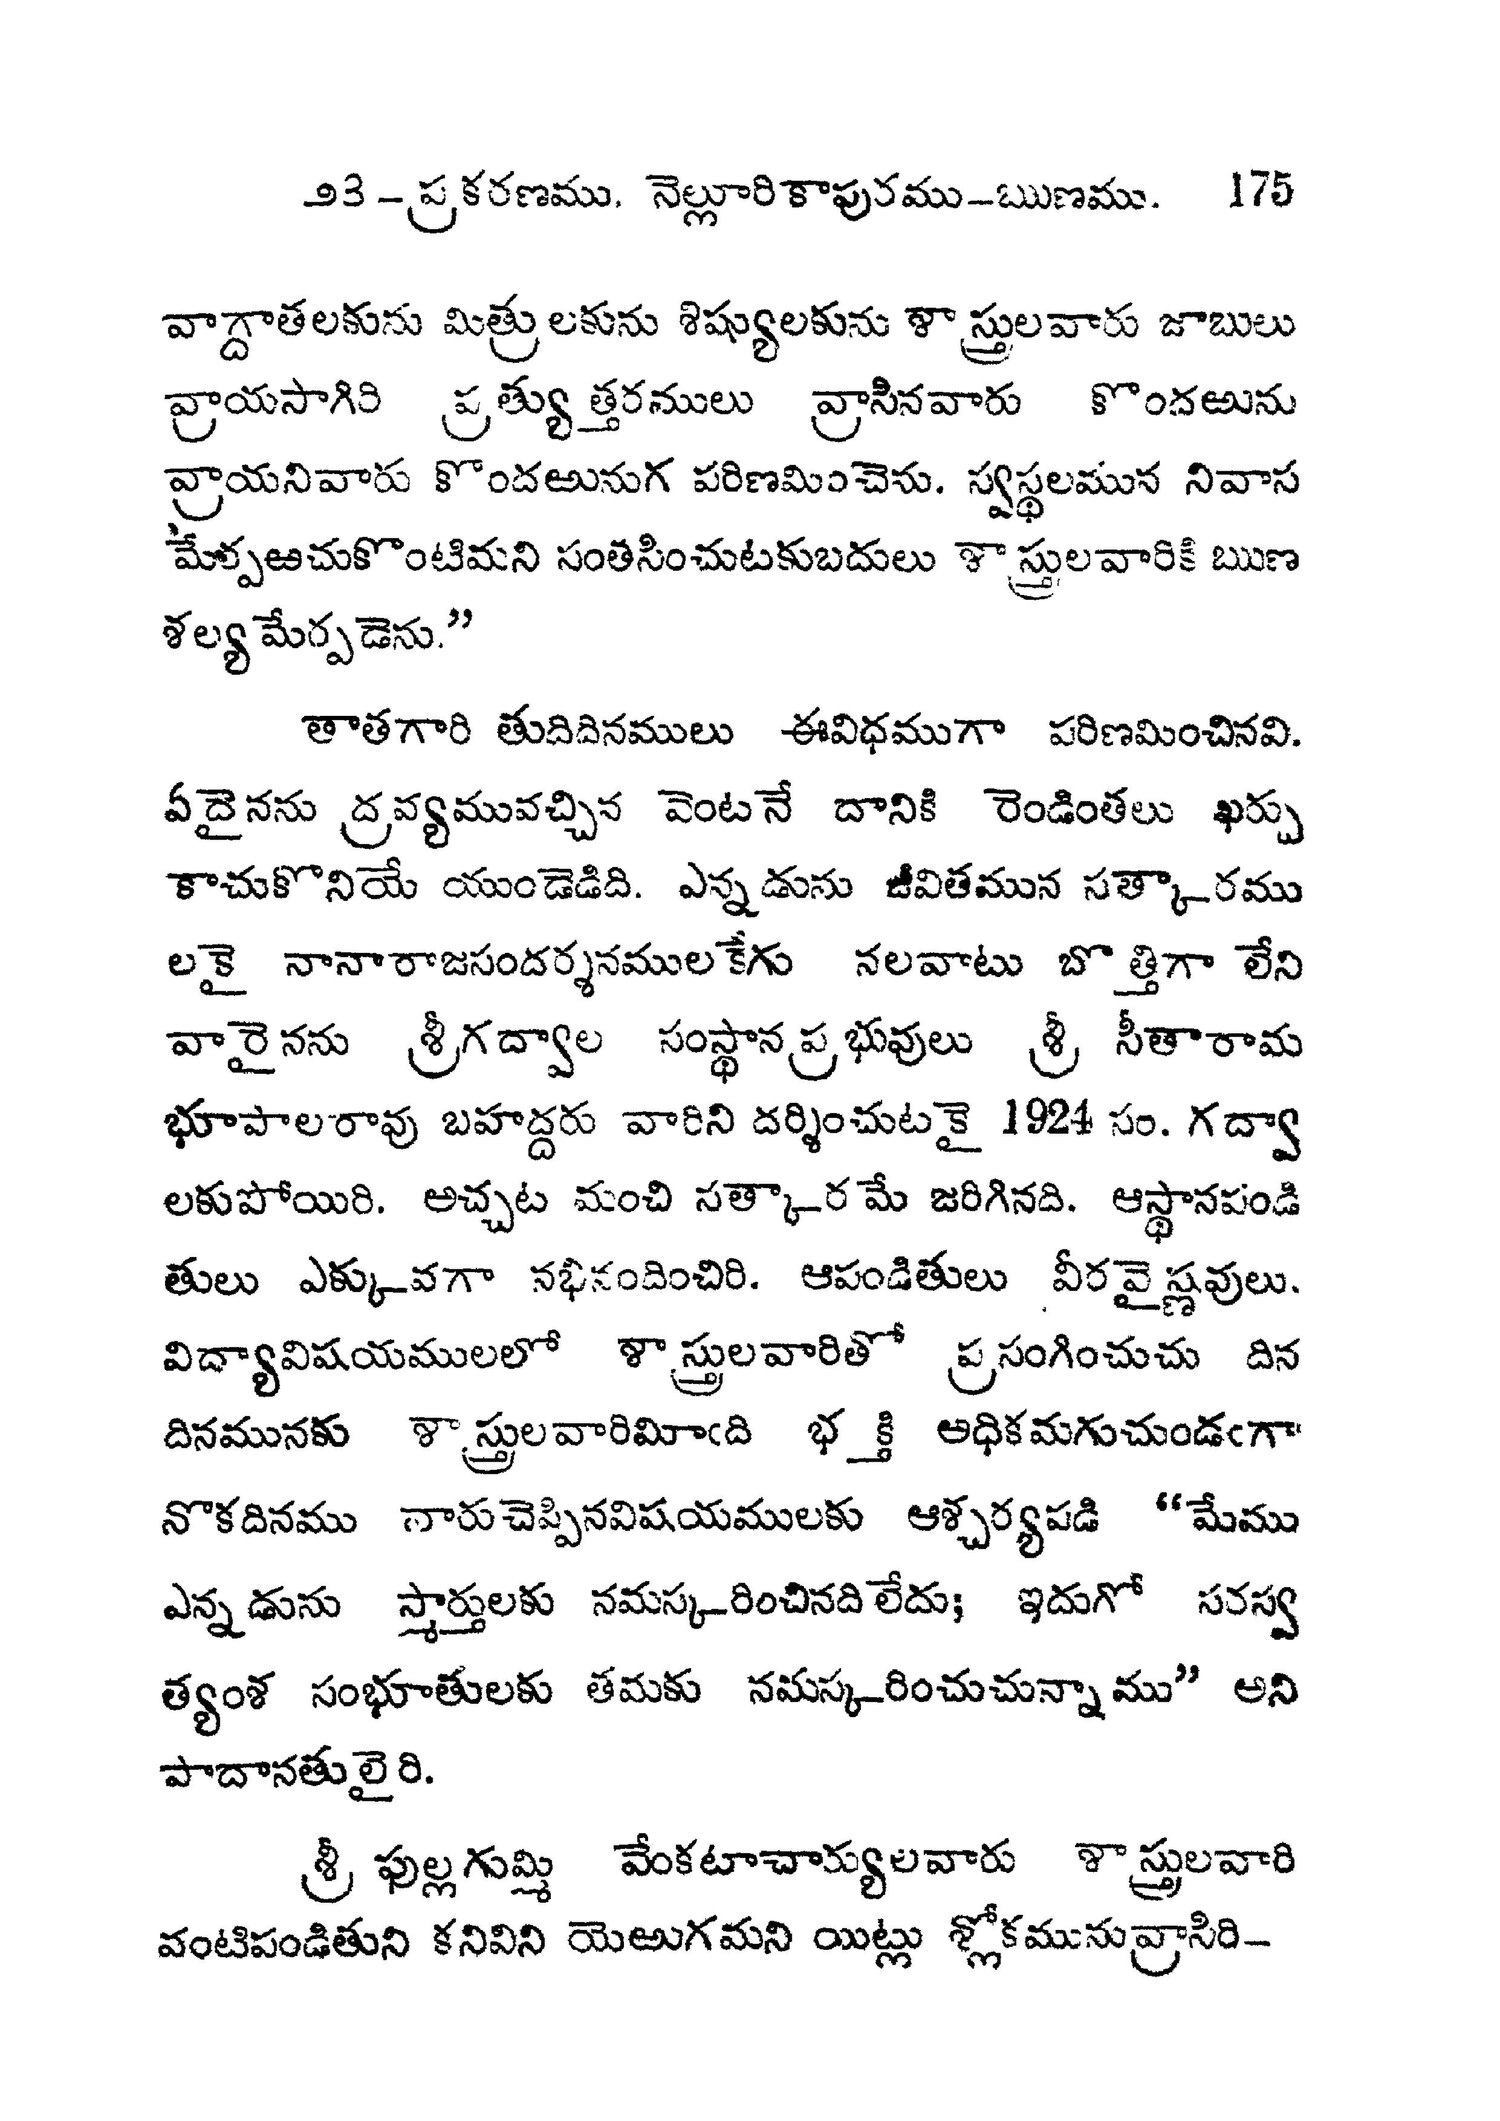వాగ్దాతలకును మిత్రులకును శిష్యులకును శాస్త్రులవారు జాబులు వ్రాయసాగిరి ప్రత్యుత్తరములు వ్రాసినవారు కొందఱును వ్రాయనివారు కొందఱునుగ పరిణమించెను. స్వస్థలమున నివాస మేర్పఱచుకొంటిమని సంతసించుటకు బదులు శాస్త్రులవారికి ఋణశల్యమేర్పడెను."

తాతగారి తుదిదినములు ఈవిధముగా పరిణమించినవి. ఏదైనను ద్రవ్యము వచ్చిన వెంటనే దానికి రెండింతలు ఖర్చు కాచుకొనియే యుండెడిది. ఎన్నడును జీవితమున సత్కారములకై నానారాజ సందర్శనములకేగు నలవాటు బొత్తిగా లేని వారైనను శ్రీగద్వాల సంస్థానప్రభువులు శ్రీ సీతారామ భూపాలరావు బహద్దరు వారిని దర్శించుటకై 1924 సం. గద్వాలకుపోయిరి. అచ్చట మంచి సత్కారమే జరిగినది. ఆస్థానపండితులు ఎక్కువగా నభినందించిరి. ఆపండితులు వీరవైష్ణవులు. విద్యావిషయములలో శాస్త్రులవారితో ప్రసంగించుచు దినదినమునకు శాస్త్రులవారిమీది భక్తి అధికమగుచుండగా నొకదినము వారుచెప్పిన విషయములకు ఆశ్చర్యపడి "మేము ఎన్నడును స్మార్తులకు నమస్కరించినది లేదు; ఇదుగో సరస్వత్యంశ సంభూతులకు తమకు నమస్కరించుచున్నాము" అని పాదానతులైరి.

శ్రీ పుల్లగుమ్మి వేంకటాచార్యులవారు శాస్త్రులవారివంటి పండితుని కనివిని యెఱుగమని యిట్లు శ్లోకమును వ్రాసిరి-